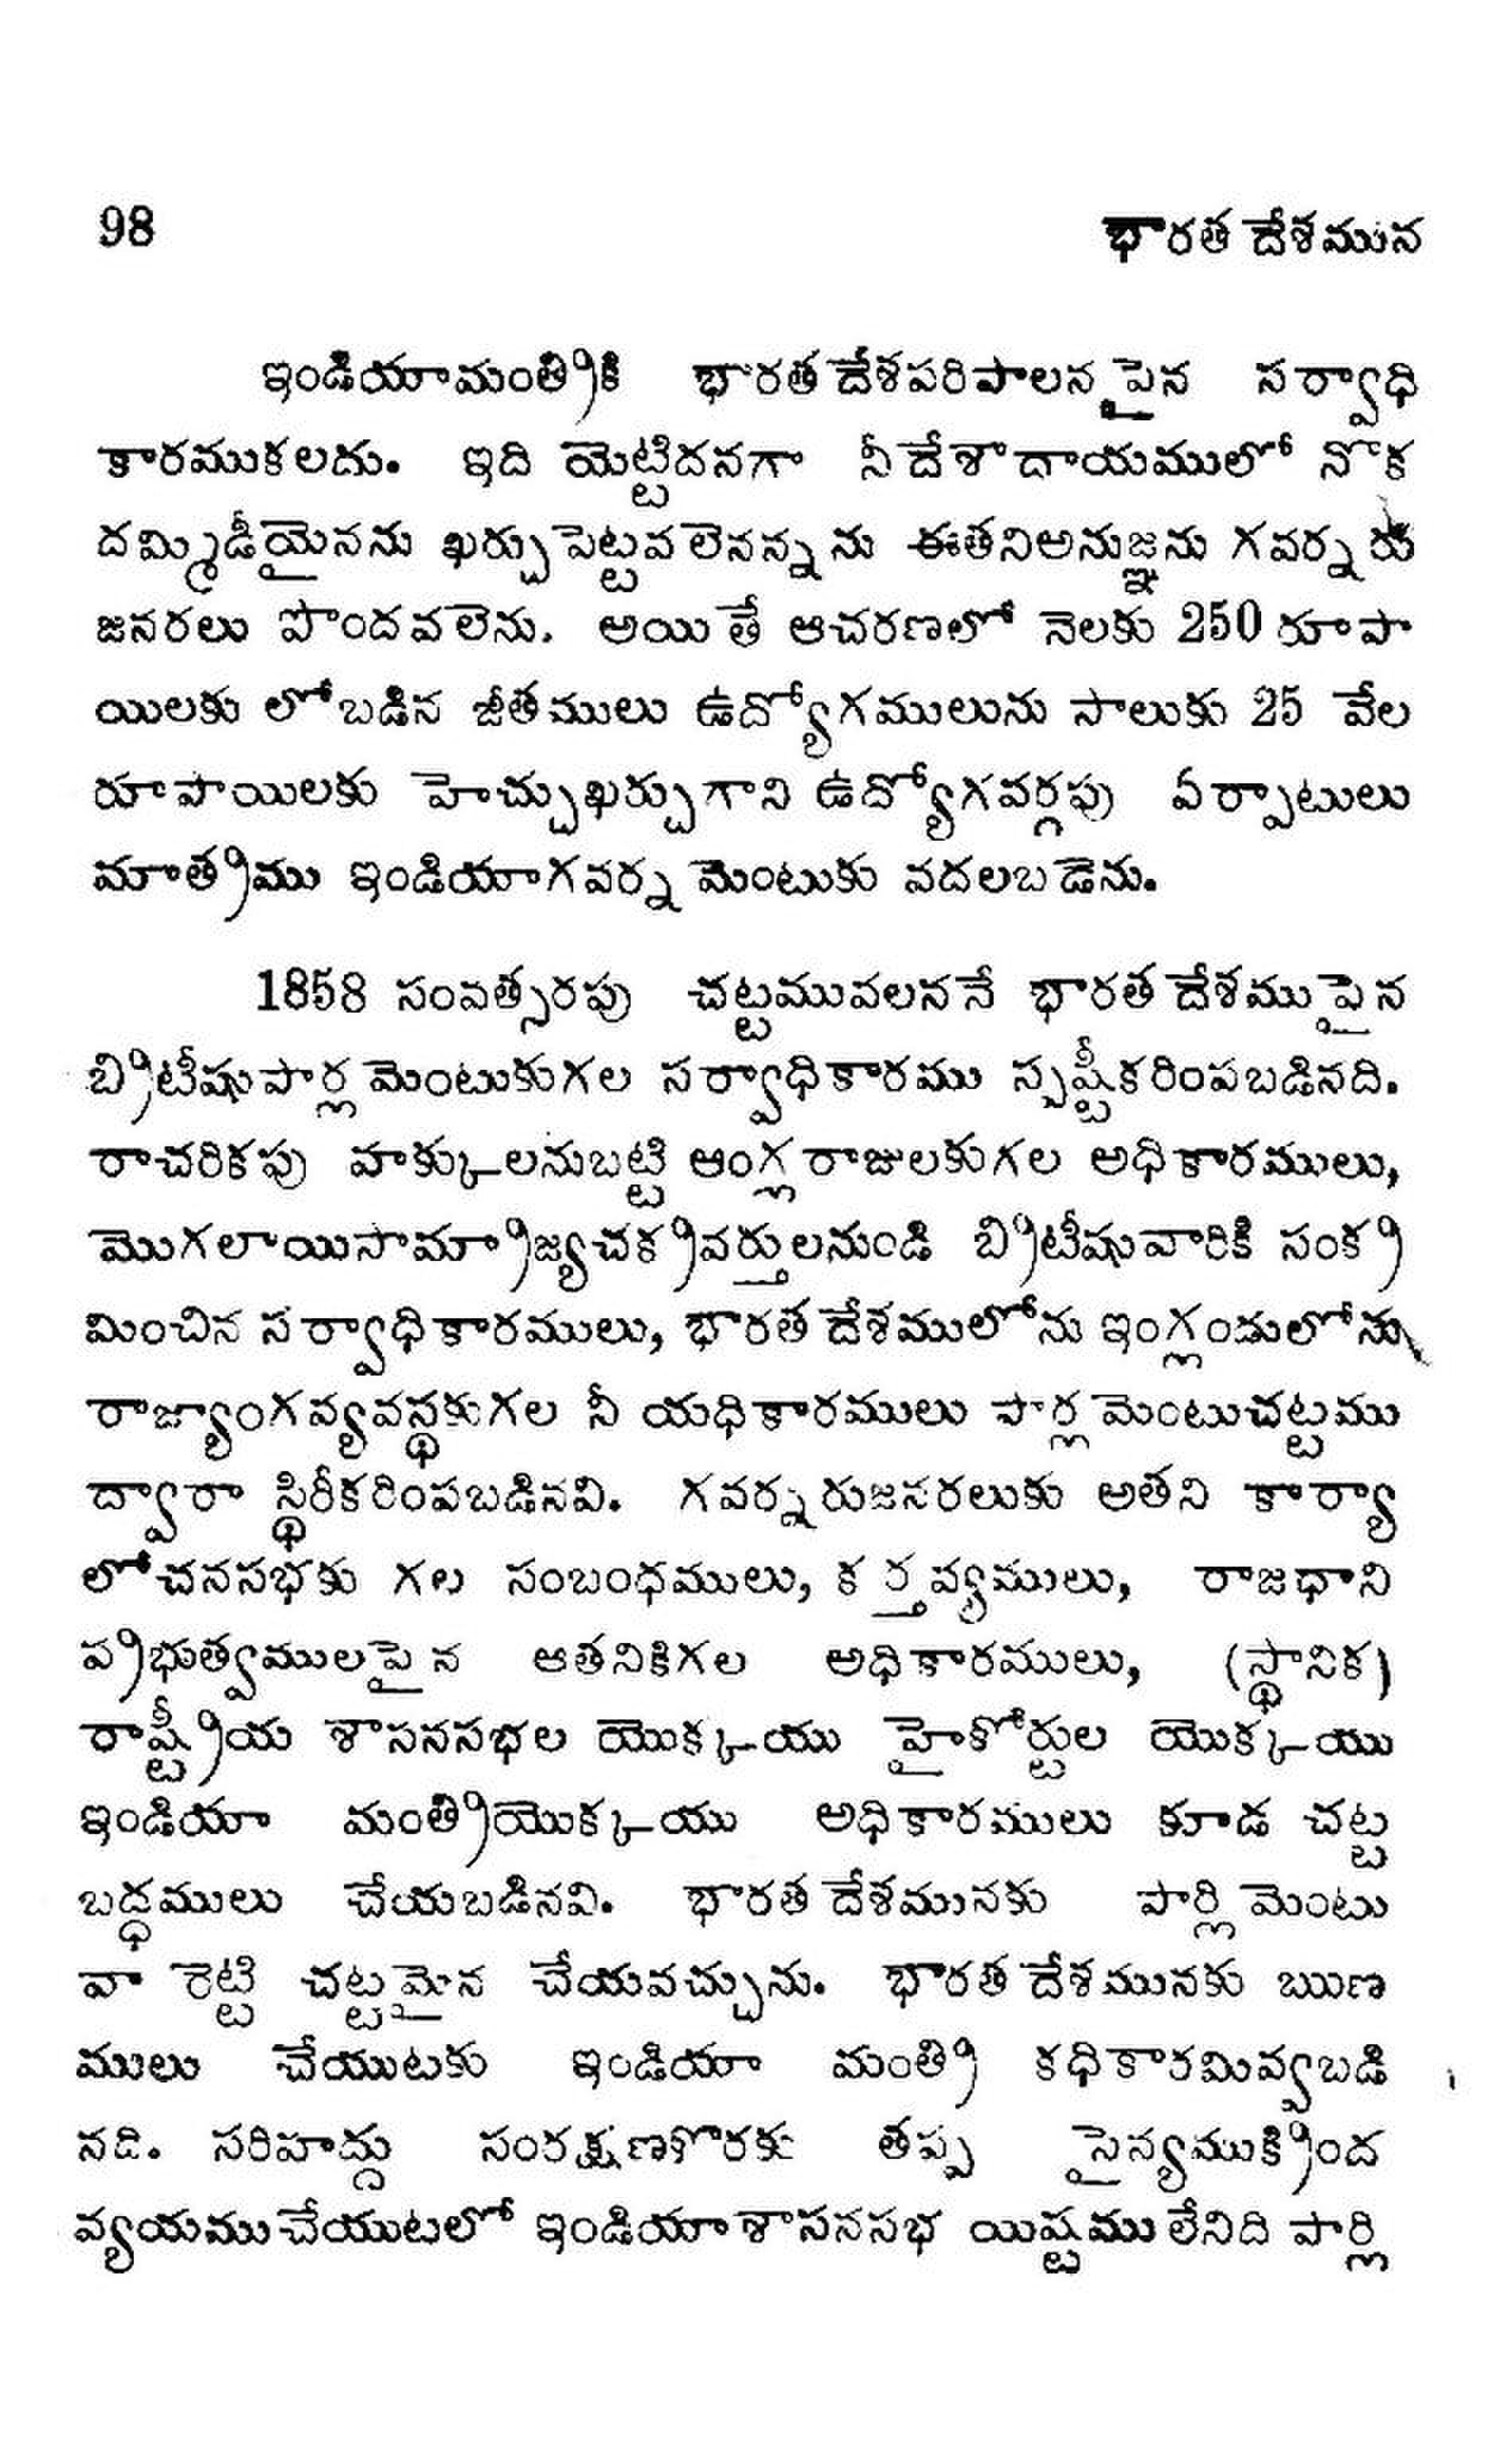ఇండియామంత్రికి భారతదేశపరిపాలనపైన సర్వాధికారముకలదు. ఇది యెట్టిదనగా నీదేశాదాయములో నొక దమ్మిడీయైనను ఖర్చుపెట్టవలెనన్నను ఈతనిఅనుజ్ఞను గవర్నరు జనరలు పొందవలెను. అయితే ఆచరణలో నెలకు 250 రూపాయిలకు లోబడిన జీతములు ఉద్యోగములును సాలుకు 25 వేల రూపాయిలకు హెచ్చుఖర్చుగాని ఉద్యోగవర్గపు ఏర్పాటులు మాత్రము ఇండియాగవర్నమెంటుకు వదలబడెను.

1858 సంవత్సరపు చట్టమువలననే భారతదేశముపైన బ్రిటీషుపార్లమెంటుకుగల సర్వాధికారము స్పష్టీకరింపబడినది. రాచరికపు హక్కులనుబట్టి ఆంగ్లరాజులకుగల అధికారములు, మొగలాయిసామ్రాజ్యచక్రవర్తులనుండి బ్రిటీషువారికి సంక్రమించిన సర్వాధికారములు, భారతదేశములోను ఇంగ్లండులోను రాజ్యాంగవ్యవస్థకుగల నీ యధికారములు పార్లమెంటుచట్టము ద్వారా స్థిరీకరింపబడినవి. గవర్నరుజనరలుకు అతని కార్యాలోచనసభకు గల సంబంధములు, కర్తవ్యములు, రాజధాని ప్రభుత్వములపైన అతనికిగల అధికారములు, (స్థానిక) రాష్ట్రీయ శాసనసభల యొక్కయు హైకోర్టుల యొక్కయు ఇండియా మంత్రియొక్కయు అధికారములు కూడ చట్టబద్దములు చేయబడినవి. భారతదేశమునకు పార్లిమెంటు వా రెట్టి చట్టమైన చేయవచ్చును. భారతదేశమునకు ఋణములు చేయుటకు ఇండియా మంత్రి కధికారమివ్వబడినది. సరిహద్దు సంరక్షణకొరకు తప్ప సైన్యముక్రింద వ్యయము చేయుటలో ఇండియాశాసనసభ యిష్టములేనిది పార్లి